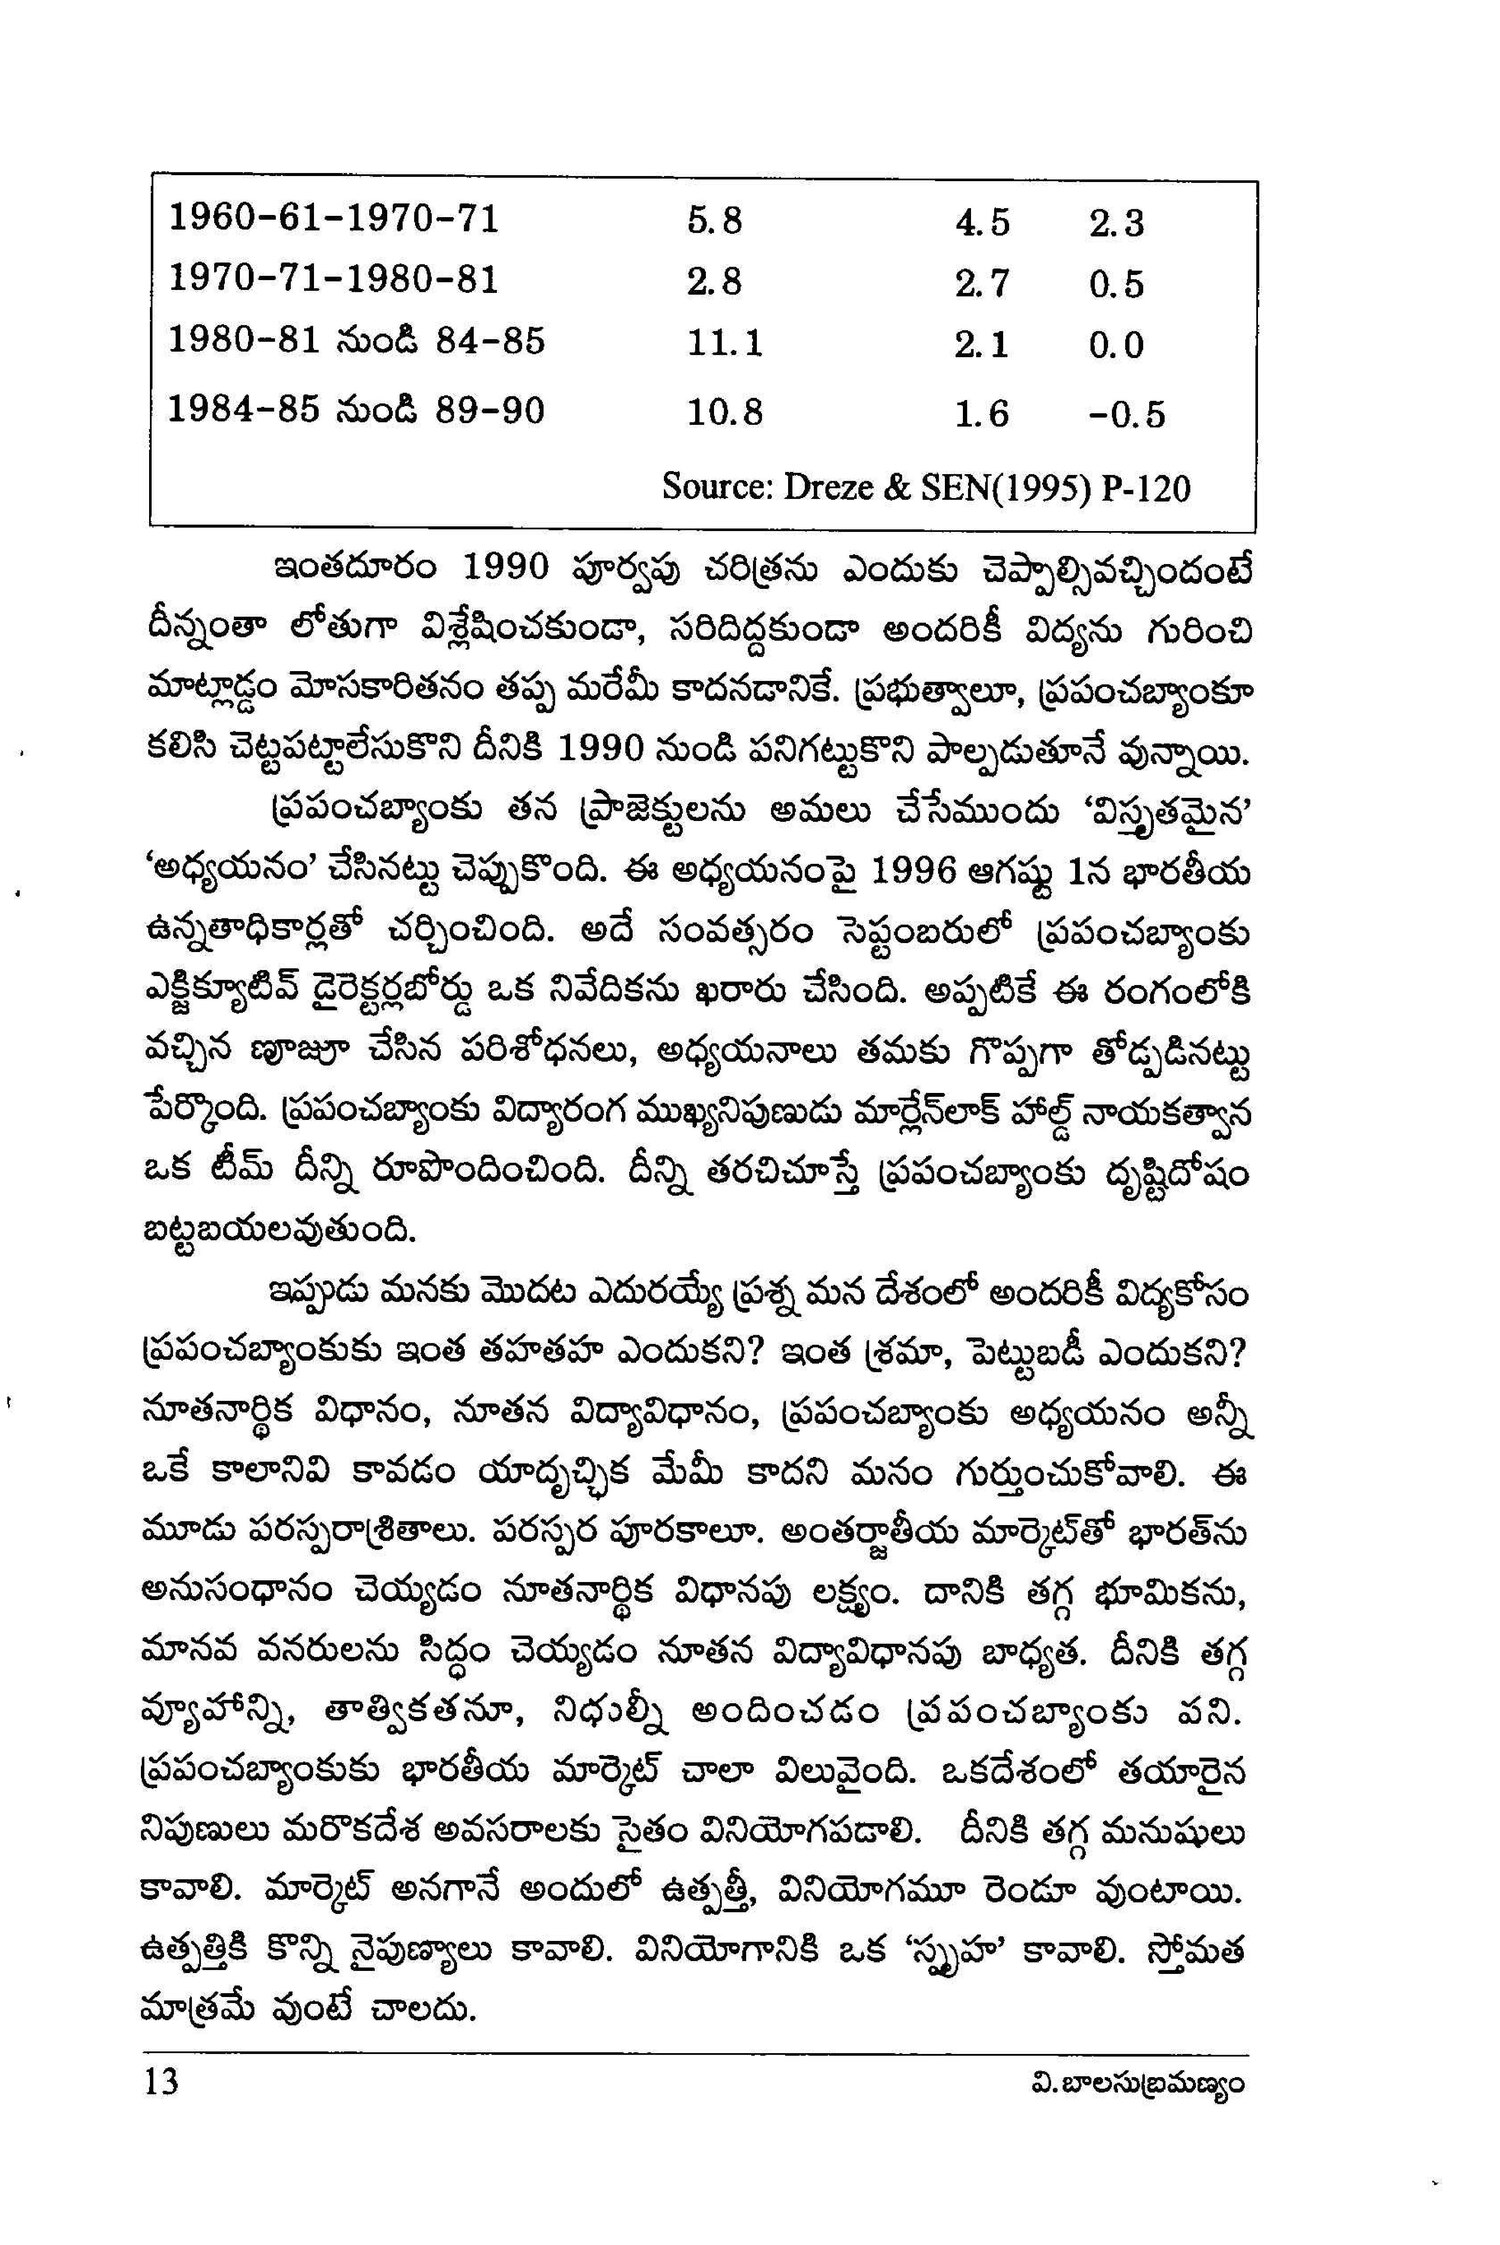1960-61 నుండి 1990 వరకు విద్యా రంగంలో పరిణామాలు
కాలం	రేటు 1	రేటు 2	రేటు 3
1960-61 నుంచి 1970-71 వరకు	5.8	4.5	2.3
1970-71 నుంచి 1980-81 వరకు	2.8	2.7	0.5
1980-81 నుంచి 1984-85 వరకు	11.1	2.1	0.0
1984-85 నుంచి 1989-90 వరకు	10.8	1.6	-0.5

Source: Dreze & Sen (1995), పేజీ 120

ఇంత దూరం 1990 పూర్వపు చరిత్రను ఎందుకు చెప్పాల్సివచ్చిందంటే, దీన్ని లోతుగా విశ్లేషించకుండా, సరిచేయకుండా అందరికీ విద్య గురించి మాట్లాడటం మోసకారితనం మాత్రమే అన్న విషయాన్ని చెప్పడానికే. ప్రభుత్వాలు, ప్రపంచ బ్యాంక్ కలసి ఈ వ్యవస్థను స్థాపించి 1990 నుండి దానిపై కృషి చేస్తూనే ఉన్నాయి.

ప్రపంచ బ్యాంకు తన ప్రాజెక్టులను అమలు చేసేముందు ‘విస్తృతమైన’ అధ్యయనం చేసినట్టు ప్రకటించింది. ఈ అధ్యయనంపై 1996 ఆగస్టు 1న భారతీయ ఉన్నతాధికారులతో చర్చించింది. అదే సంవత్సరం సెప్టెంబర్ నెలలో ప్రపంచ బ్యాంకు ఎగ్జిక్యూటివ్ డైరెక్టర్ల బోర్డు ఒక నివేదికను ఖరారు చేసింది. అప్పటికి ఈ రంగంలో జరిగిన అనేక పరిశోధనలు, అధ్యయనాలు ప్రపంచ బ్యాంకుకు సహాయపడినట్లు పేర్కొంది. ప్రపంచ బ్యాంకు విద్యారంగ ముఖ్య నిపుణుడు మార్లెన్ లాక్ హాల్ నాయకత్వంలో ఒక టీమ్ దీనిని రూపొందించింది. దీన్ని గమనిస్తే, ప్రపంచ బ్యాంకు దృష్టిదోషం స్పష్టమవుతుంది.

ఇప్పుడు మన ముందుకు వచ్చే ప్రశ్న: మన దేశంలో అందరికీ విద్య అందించడానికి ప్రపంచ బ్యాంకుకు ఇంత తహతహ ఎందుకు? ఇంత శ్రమ, పెట్టుబడి ఎందుకు? నూతన ఆర్థిక విధానం, నూతన విద్యావిధానం, ప్రపంచ బ్యాంకు అధ్యయనం అన్నీ ఒకే కాలంలో రావడం యాదృచ్ఛికం కాదని గుర్తించాలి. ఈ మూడు పరస్పర ఆధారపడి ఉన్నాయి, పరస్పర పూరకాలు. అంతర్జాతీయ మార్కెట్లో భారతదేశాన్ని అనుసంధానం చేయడం నూతన ఆర్థిక విధాన లక్ష్యం. దానికి తగిన భూమికను, మానవ వనరులను సిద్ధం చేయడం నూతన విద్యావిధాన బాధ్యత. దీనికి తగిన వ్యూహాన్ని, తాత్వికతను, నిధులను అందించడం ప్రపంచ బ్యాంకు పని.

ప్రపంచ బ్యాంకుకు భారతీయ మార్కెట్ చాలా విలువైనది. ఒక దేశంలో తయారైన నిపుణులు మరొక దేశ అవసరాలకు కూడా ఉపయోగపడాలి. దీనికి తగిన మనుషులు కావాలి. మార్కెట్ అంటే ఉత్పత్తి, వినియోగం రెండూ ఉంటాయి. ఉత్పత్తికి కొన్ని నైపుణ్యాలు అవసరం. వినియోగానికి ఒక స్పృహ ఉండాలి. కేవలం సామర్థ్యం ఉండడమే సరిపోదు.